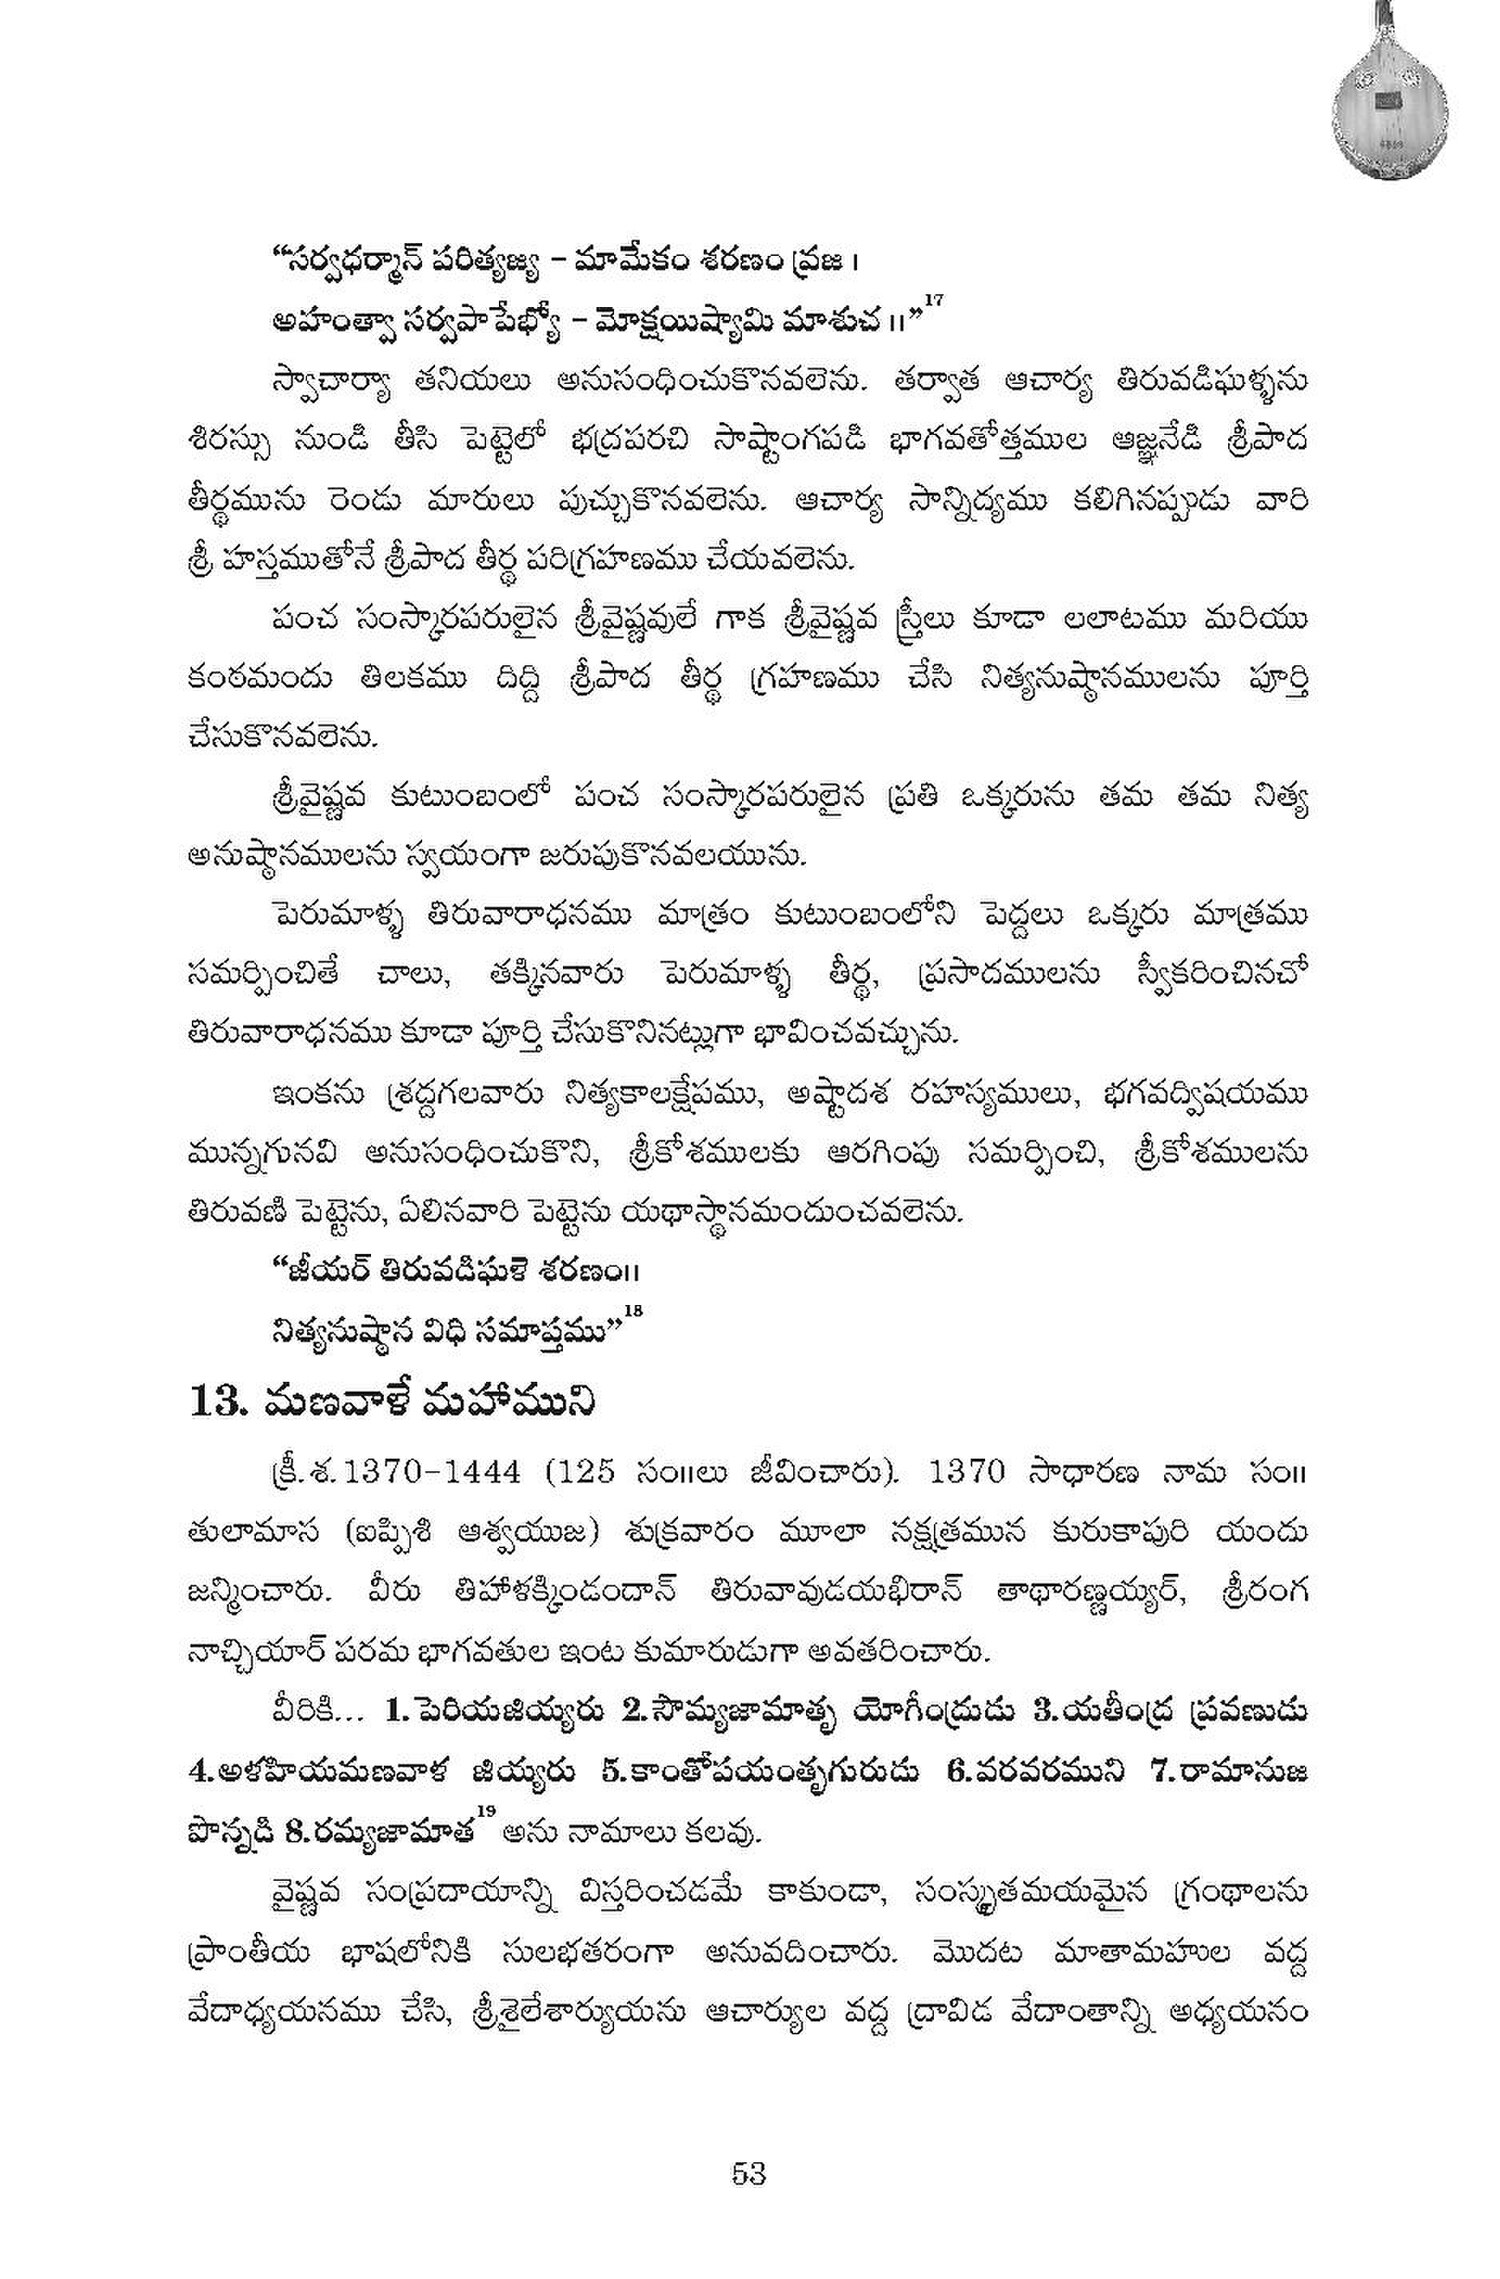“సర్వధర్మాన్ పరిత్యజ్య - మామేకం శరణం వ్రజ |
అహంత్వా సర్వపాపేభ్యో - మోక్షయిష్యామి మాశుచ ౹౹"17

స్వాచార్యా తనియలు అనుసంధించుకొనవలెను. తర్వాత ఆచార్య తిరువడిఘళ్ళను శిరస్సు నుండి తీసి పెట్టెలో భద్రపరచి సాష్టాంగపడి భాగవతోత్తముల ఆజ్ఞనేడి శ్రీపాద తీర్థమును రెండు మారులు పుచ్చుకొనవలెను. ఆచార్య సాన్నిధ్యము కలిగినప్పుడు వారి శ్రీ హస్తముతోనే శ్రీపాద తీర్థ పరిగ్రహణము చేయవలెను.

పంచ సంస్కారపరులైన శ్రీవైష్ణవులే గాక శ్రీవైష్ణవ స్త్రీలు కూడా లలాటము మరియు కంఠమందు తిలకము దిద్ది శ్రీపాద తీర్థ గ్రహణము చేసి నిత్యనుష్ఠానములను పూర్తి చేసుకొనవలెను.

శ్రీవైష్ణవ కుటుంబంలో పంచ సంస్కారపరులైన ప్రతి ఒక్కరును తమ తమ నిత్య అనుష్ఠానములను స్వయంగా జరుపుకొనవలయును.

పెరుమాళ్ళ తిరువారాధనము మాత్రం కుటుంబంలోని పెద్దలు ఒక్కరు మాత్రము సమర్పించితే చాలు, తక్కినవారు పెరుమాళ్ళ తీర్థ, ప్రసాదములను స్వీకరించినచో తిరువారాధనము కూడా పూర్తి చేసుకొనినట్లుగా భావించవచ్చును.

ఇంకను శ్రద్ధగలవారు నిత్యకాలక్షేపము, అష్టాదశ రహస్యములు, భగవద్విషయము మున్నగునవి అనుసంధించుకొని, శ్రీకోశములకు ఆరగింపు సమర్పించి, శ్రీకోశములను తిరువణి పెట్టెను, ఏలినవారి పెట్టెను యథాస్థానమందుంచవలెను.

"జీయర్ తిరువడిఘళె శరణం౹౹
నిత్యనుష్ఠాన విధి సమాప్తము” “18

13. మణవాళే మహాముని 

క్రీ.శ.1370-1444 (125 సం౹౹లు జీవించారు). 1370 సాధారణ నామ సం౹౹ తులామాస (ఐప్పిశి ఆశ్వయుజ) శుక్రవారం మూలా నక్షత్రమున కురుకాపురి యందు జన్మించారు. వీరు తిహాళక్కిండందాన్ తిరువావుడయభిరాన్ తాథారణ్ణయ్యర్, శ్రీరంగ నాచ్చియార్ పరమ భాగవతుల ఇంట కుమారుడుగా అవతరించారు.

వీరికి... 1. పెరియజియ్యరు 2. సౌమ్యజామాతృ యోగీంద్రుడు 3. యతీంద్ర ప్రవణుడు 4.అళహియమణవాళ జియ్యరు 5. కాంతోపయంతృగురుడు 6. వరవరముని 7. రామానుజ పొన్నడి 8. రమ్యజామాత19 అను నామాలు కలవు.

వైష్ణవ సంప్రదాయాన్ని విస్తరించడమే కాకుండా, సంస్కృతమయమైన గ్రంథాలను ప్రాంతీయ భాషలోనికి సులభతరంగా అనువదించారు. మొదట మాతామహుల వద్ద వేదాధ్యయనము చేసి, శ్రీశైలేశార్యుయను ఆచార్యుల వద్ద ద్రావిడ వేదాంతాన్ని అధ్యయనం